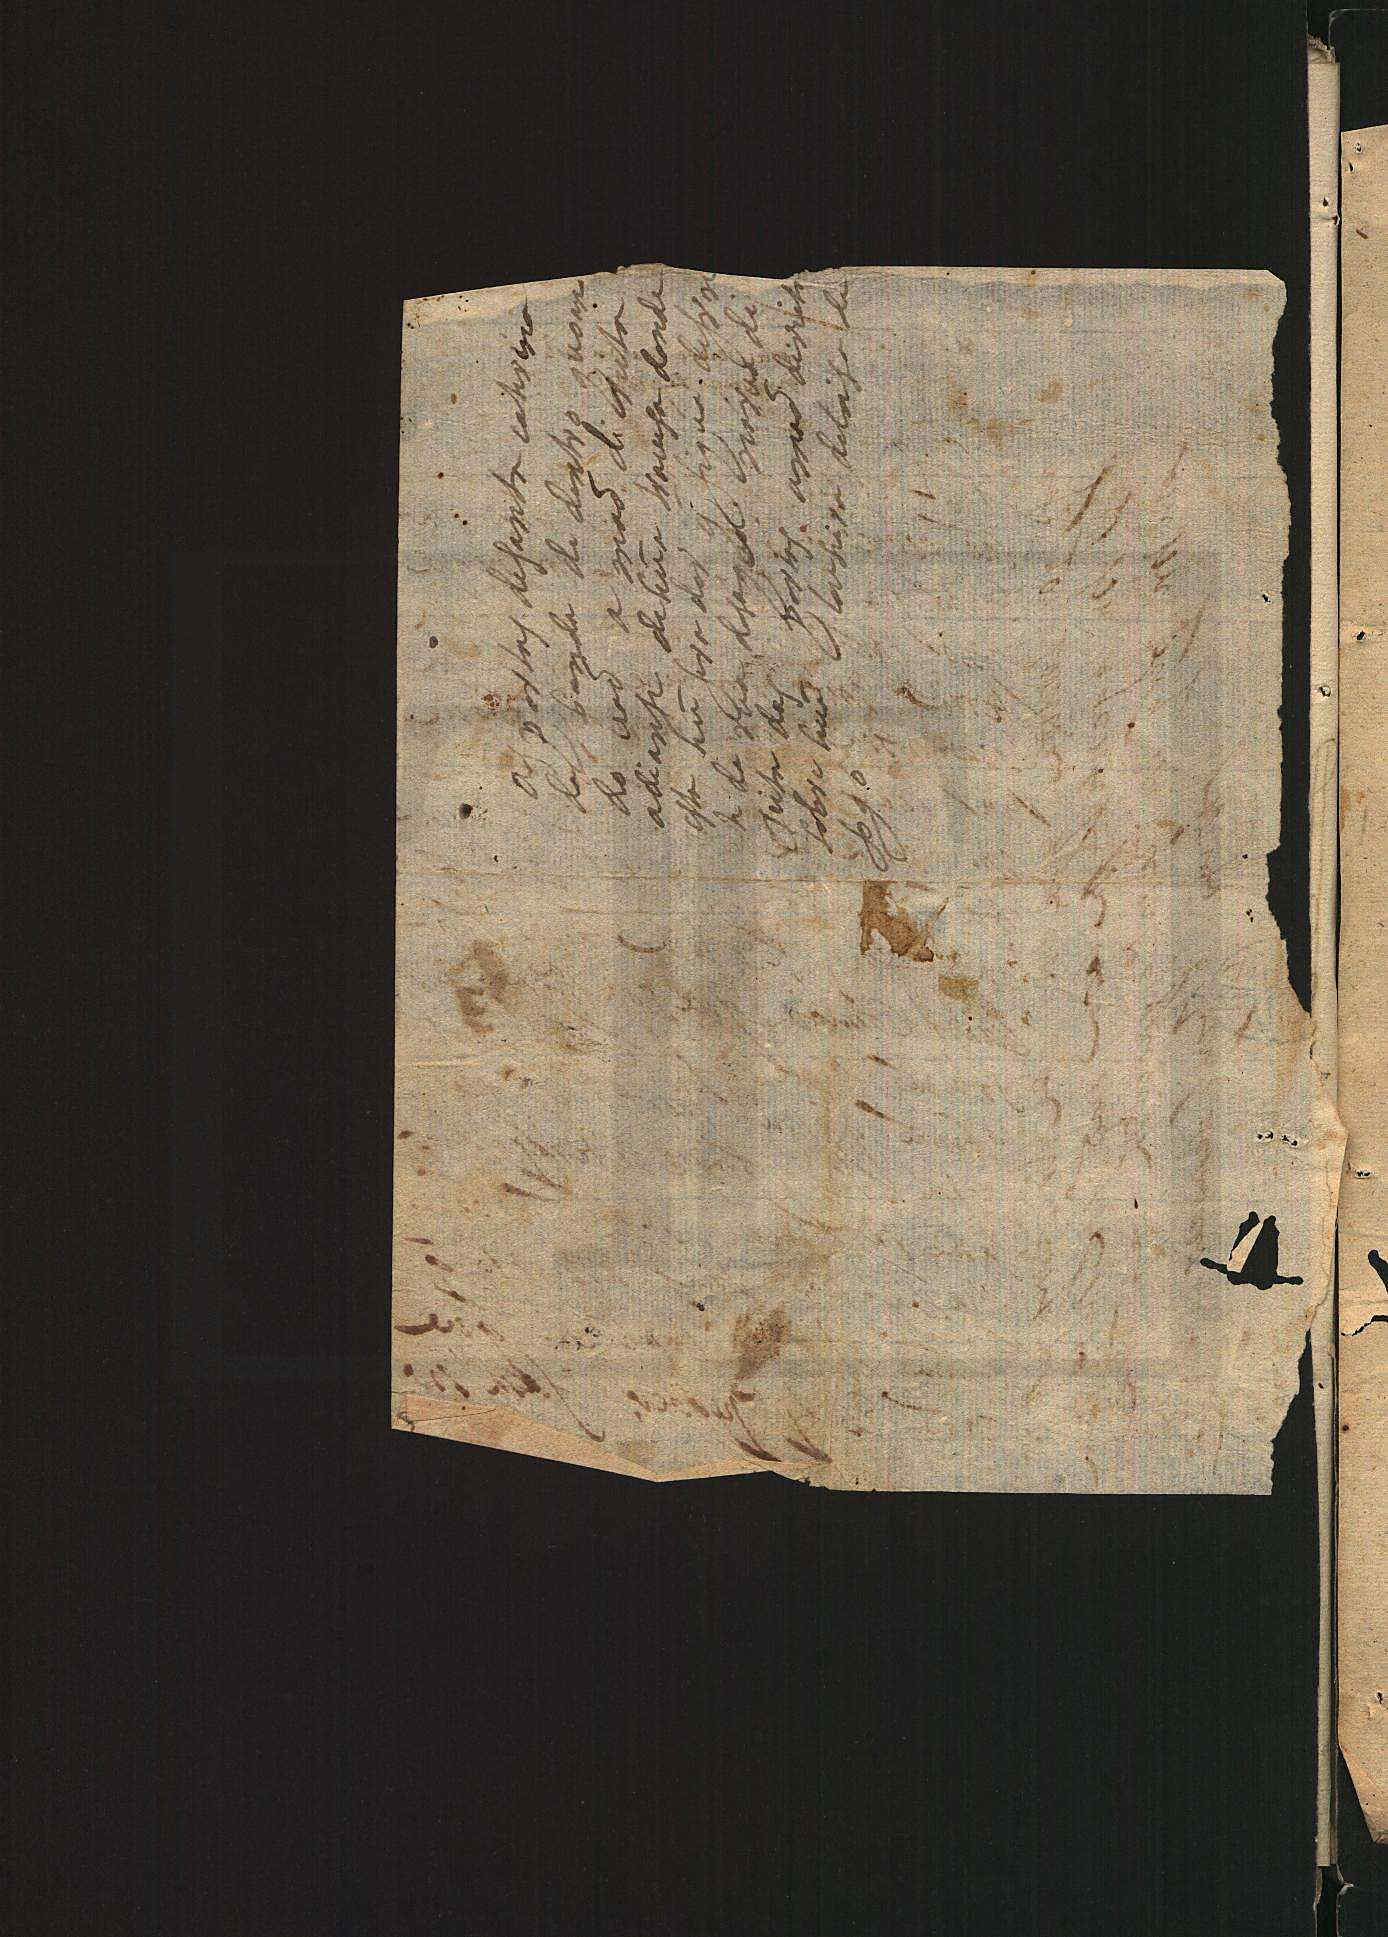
as portas de santa caterina
da banda de dentro quoan
do uaõ a maõ direita
adiante de hūa trauesa, donde
esta hū ferador q̄ fiqua defrn
te da rua do saquo na rua di
reita das portas a maõ direita
sobre huā louseira de loisa de
fogo
